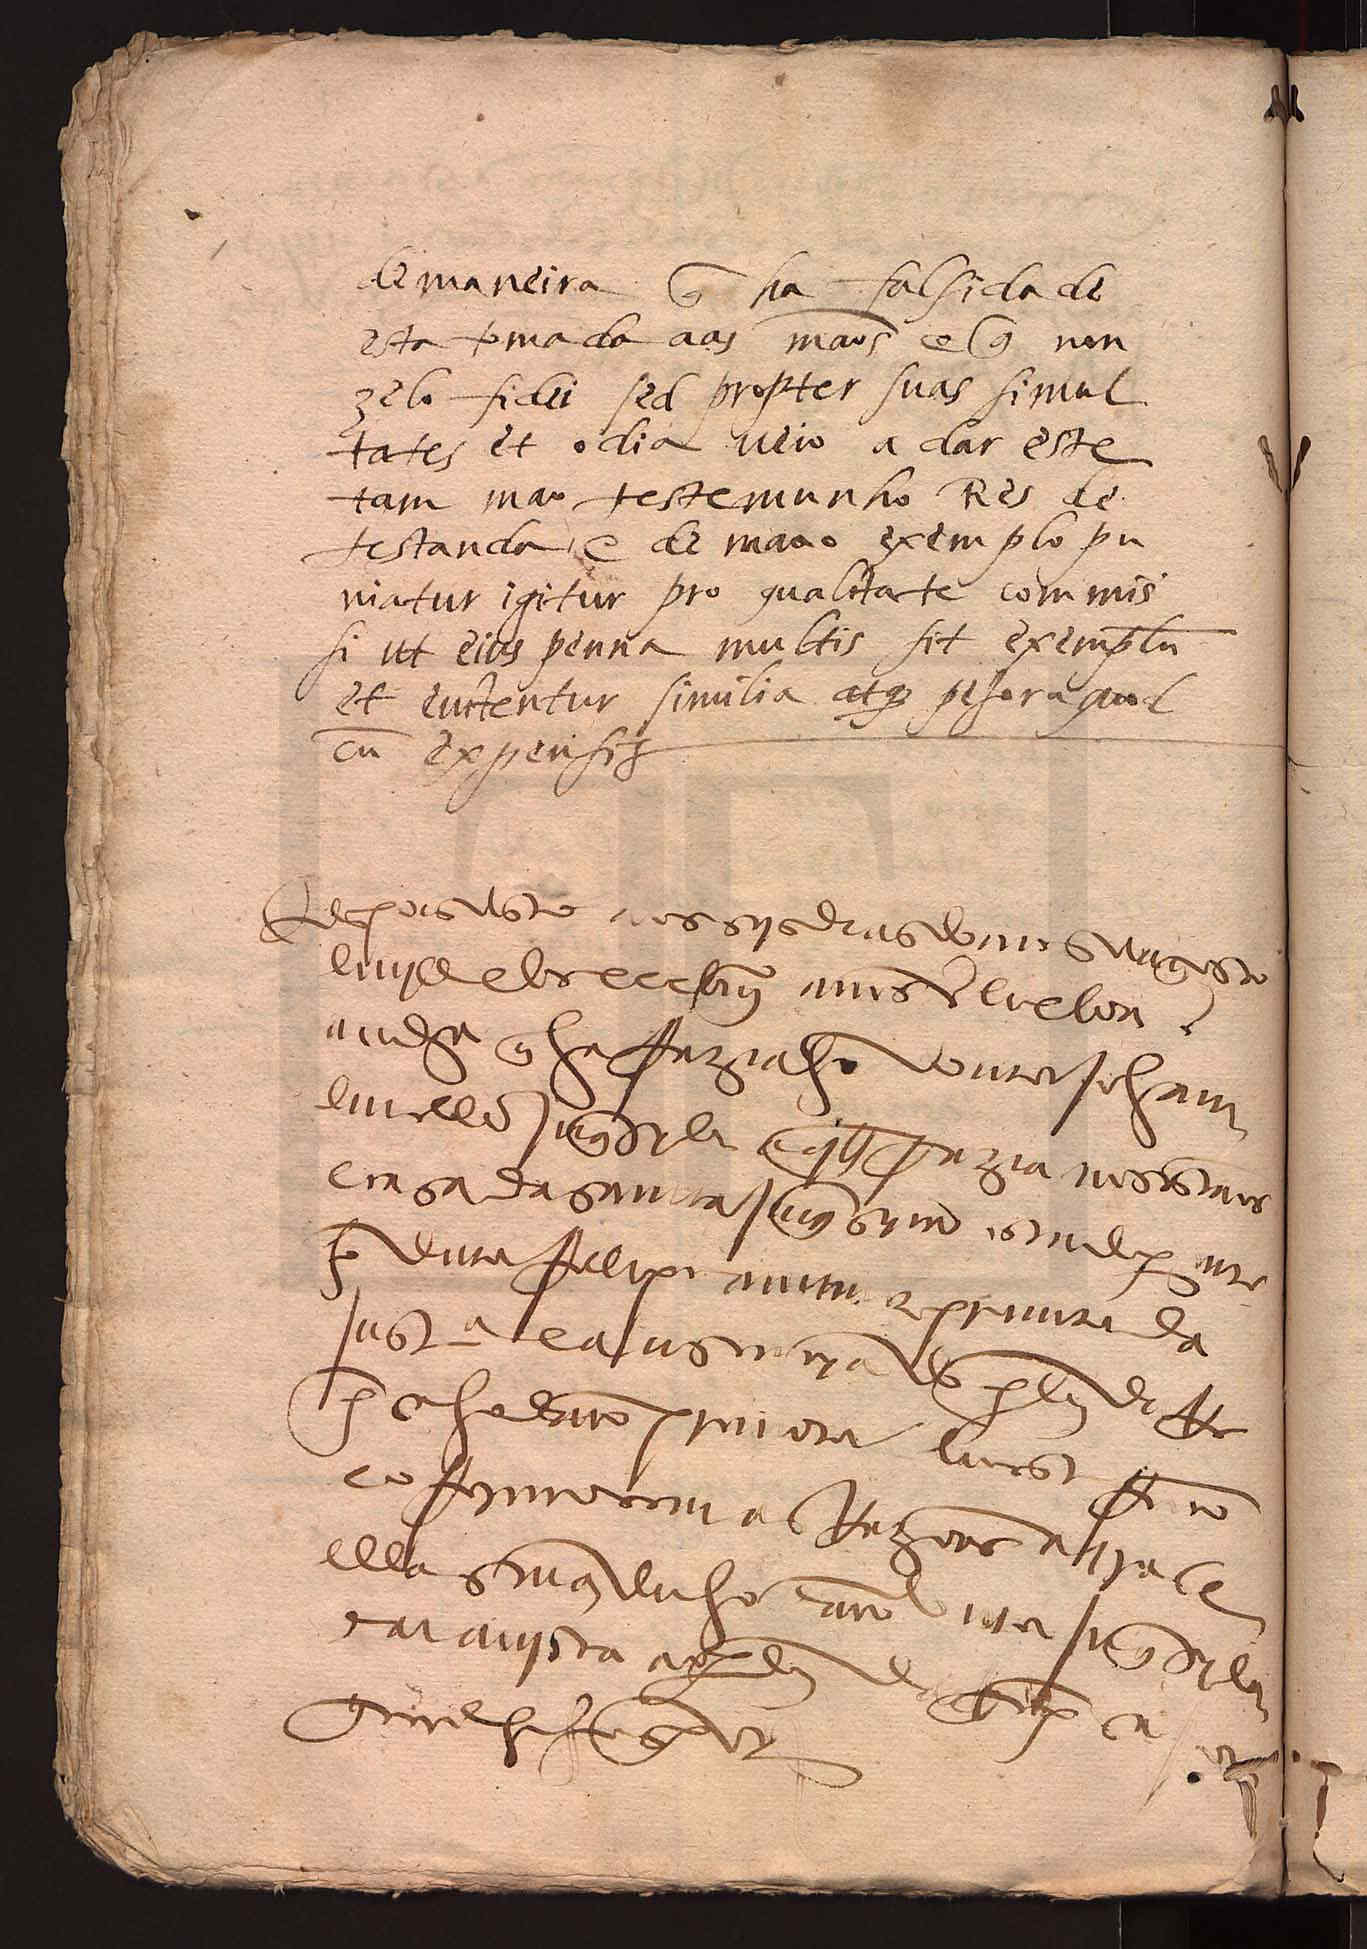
de maneira q̄ ha falsidade
esta tomada aas mãos e q̄ non
zelo fidei sed propter suas simul
tates et o dia ueio a dar este
tam mao testemunho Res de
testanda e de maao exemplo pu
niatur igitur pro qualitate commis
si ut eius penna multis sit exemp̄lu
et euitentur similia atqꝫ peJora quod
cū expensis
E depois desto aos sejs dias do mes dagosto
de mjll e bc xxxbiijo anōs ē lixboa ē
audja q̄ hi fazia ho doutor Joham
de mello Jnq̄sydor a q̄ll fazia nos estaos
e casa da samta Jmq̄syçā estando ꝑsente
ho doutor fellipe antunez promotor da
Justa e ausencya do ꝑ̄dor da Re
p̄sa ho dito promotor deu este fcto
e ofereceo com as Rezões atras e
dellas mādou ho dito doutor Jnq̄sydor
dar a ujsta ao ꝑ̄dor da Re ꝑsa Jor
ge coelho ho sp̄vy
